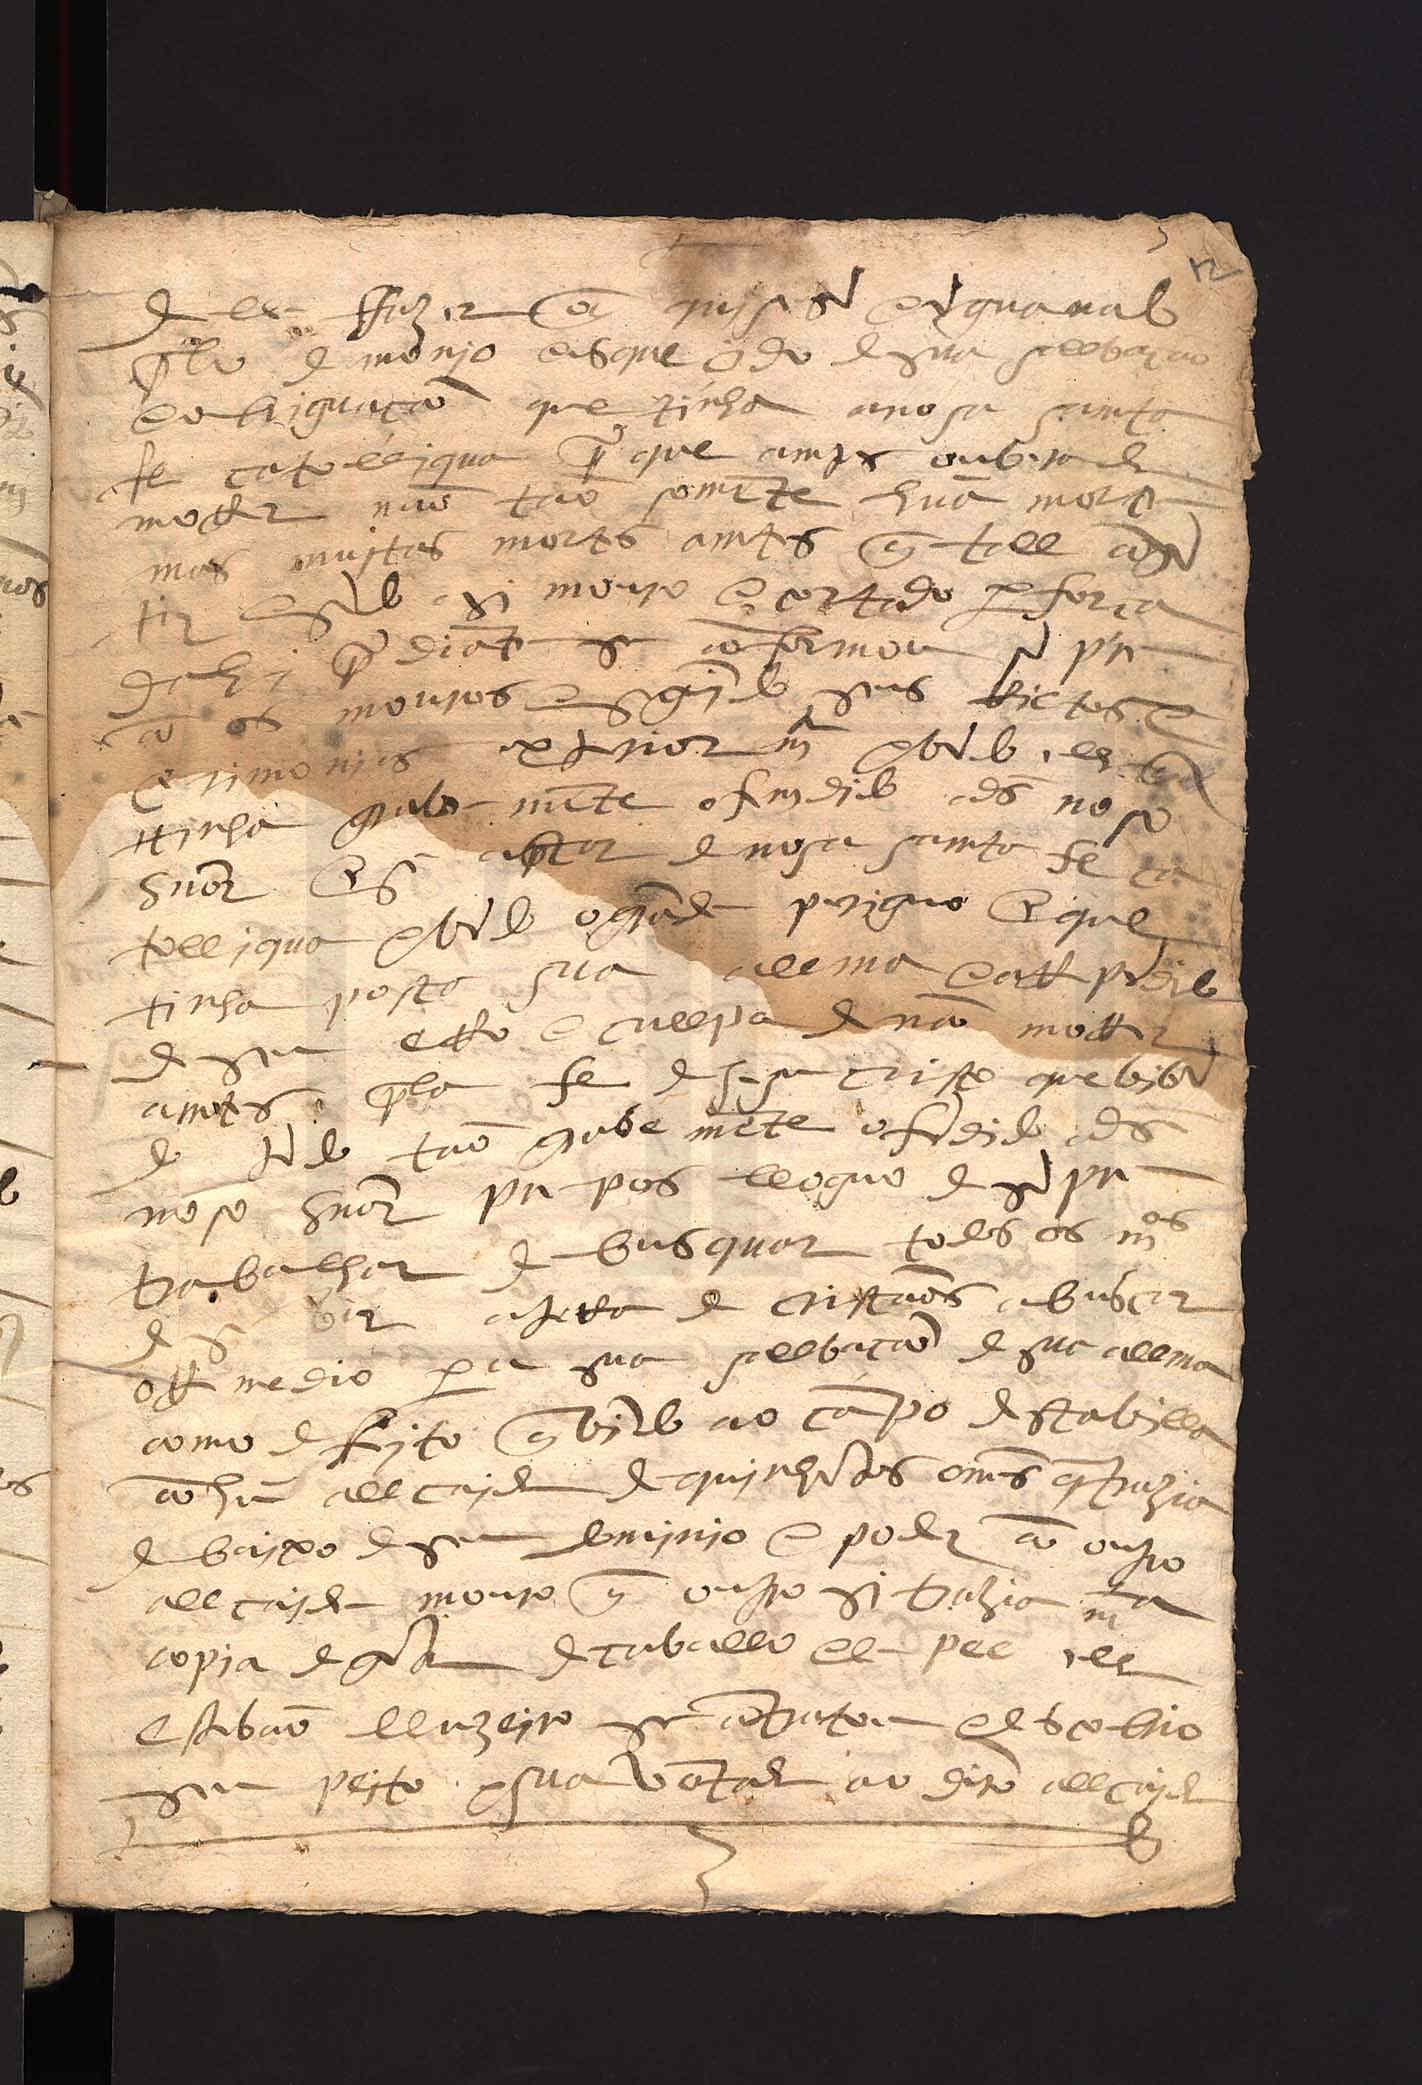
delle ffazer o q̄ qujsesē e ēguanado
p̄lo demonjo e esquecido de sua sallvação
e obriguaçaõ que tinha a nosa samta
fe catolljqua p̄oque amtes ouvera de
moRer não taõ somēte huā morte
mas mujtas mortes amtes q̄ tall cōsē
tir e sēdo asi mouro e cortado ꝑ força
dahj p̄o diāte se c̄oformou sēpre
cō os mouros e seguīdo seus Rictos e
cerimonias exteriormte e vēdo elle q̄
tinha gravemēte ofemdido a ds̄ noso
Snōr ē se ap̄tar de nossa samta fe ca
tolljqua e vēdo o grāde periguo ē que
tinha posto sua allma e aRepēdido
de seu eRo e cullpa de não moRer
amtes p̄la fe de Jezu cristo que vivē
do tēdo taõ gravemēte ofēdido a ds̄
noso Snōr prepos lloguo de sēpre
trabalhar de busquar todos os mos
de se vir a teRa de cristãos a buscar
o Remedio ꝑa sua sallvação de sua allma
como de ffejto q̄ vīdo ao cāpo desta villa
c̄o hū allcajde de qujnhētos omēs q̄ trazia
debajxo de seu domjnio e poder c̄o outro
allcajde mouro q̄ outrosi trazia mta
copia de gēte de cavallo e de pee elle
estevaõ lluzeiro se c̄otratou e descobrio
seu pejto e sua vōtade ao dito allcajde
